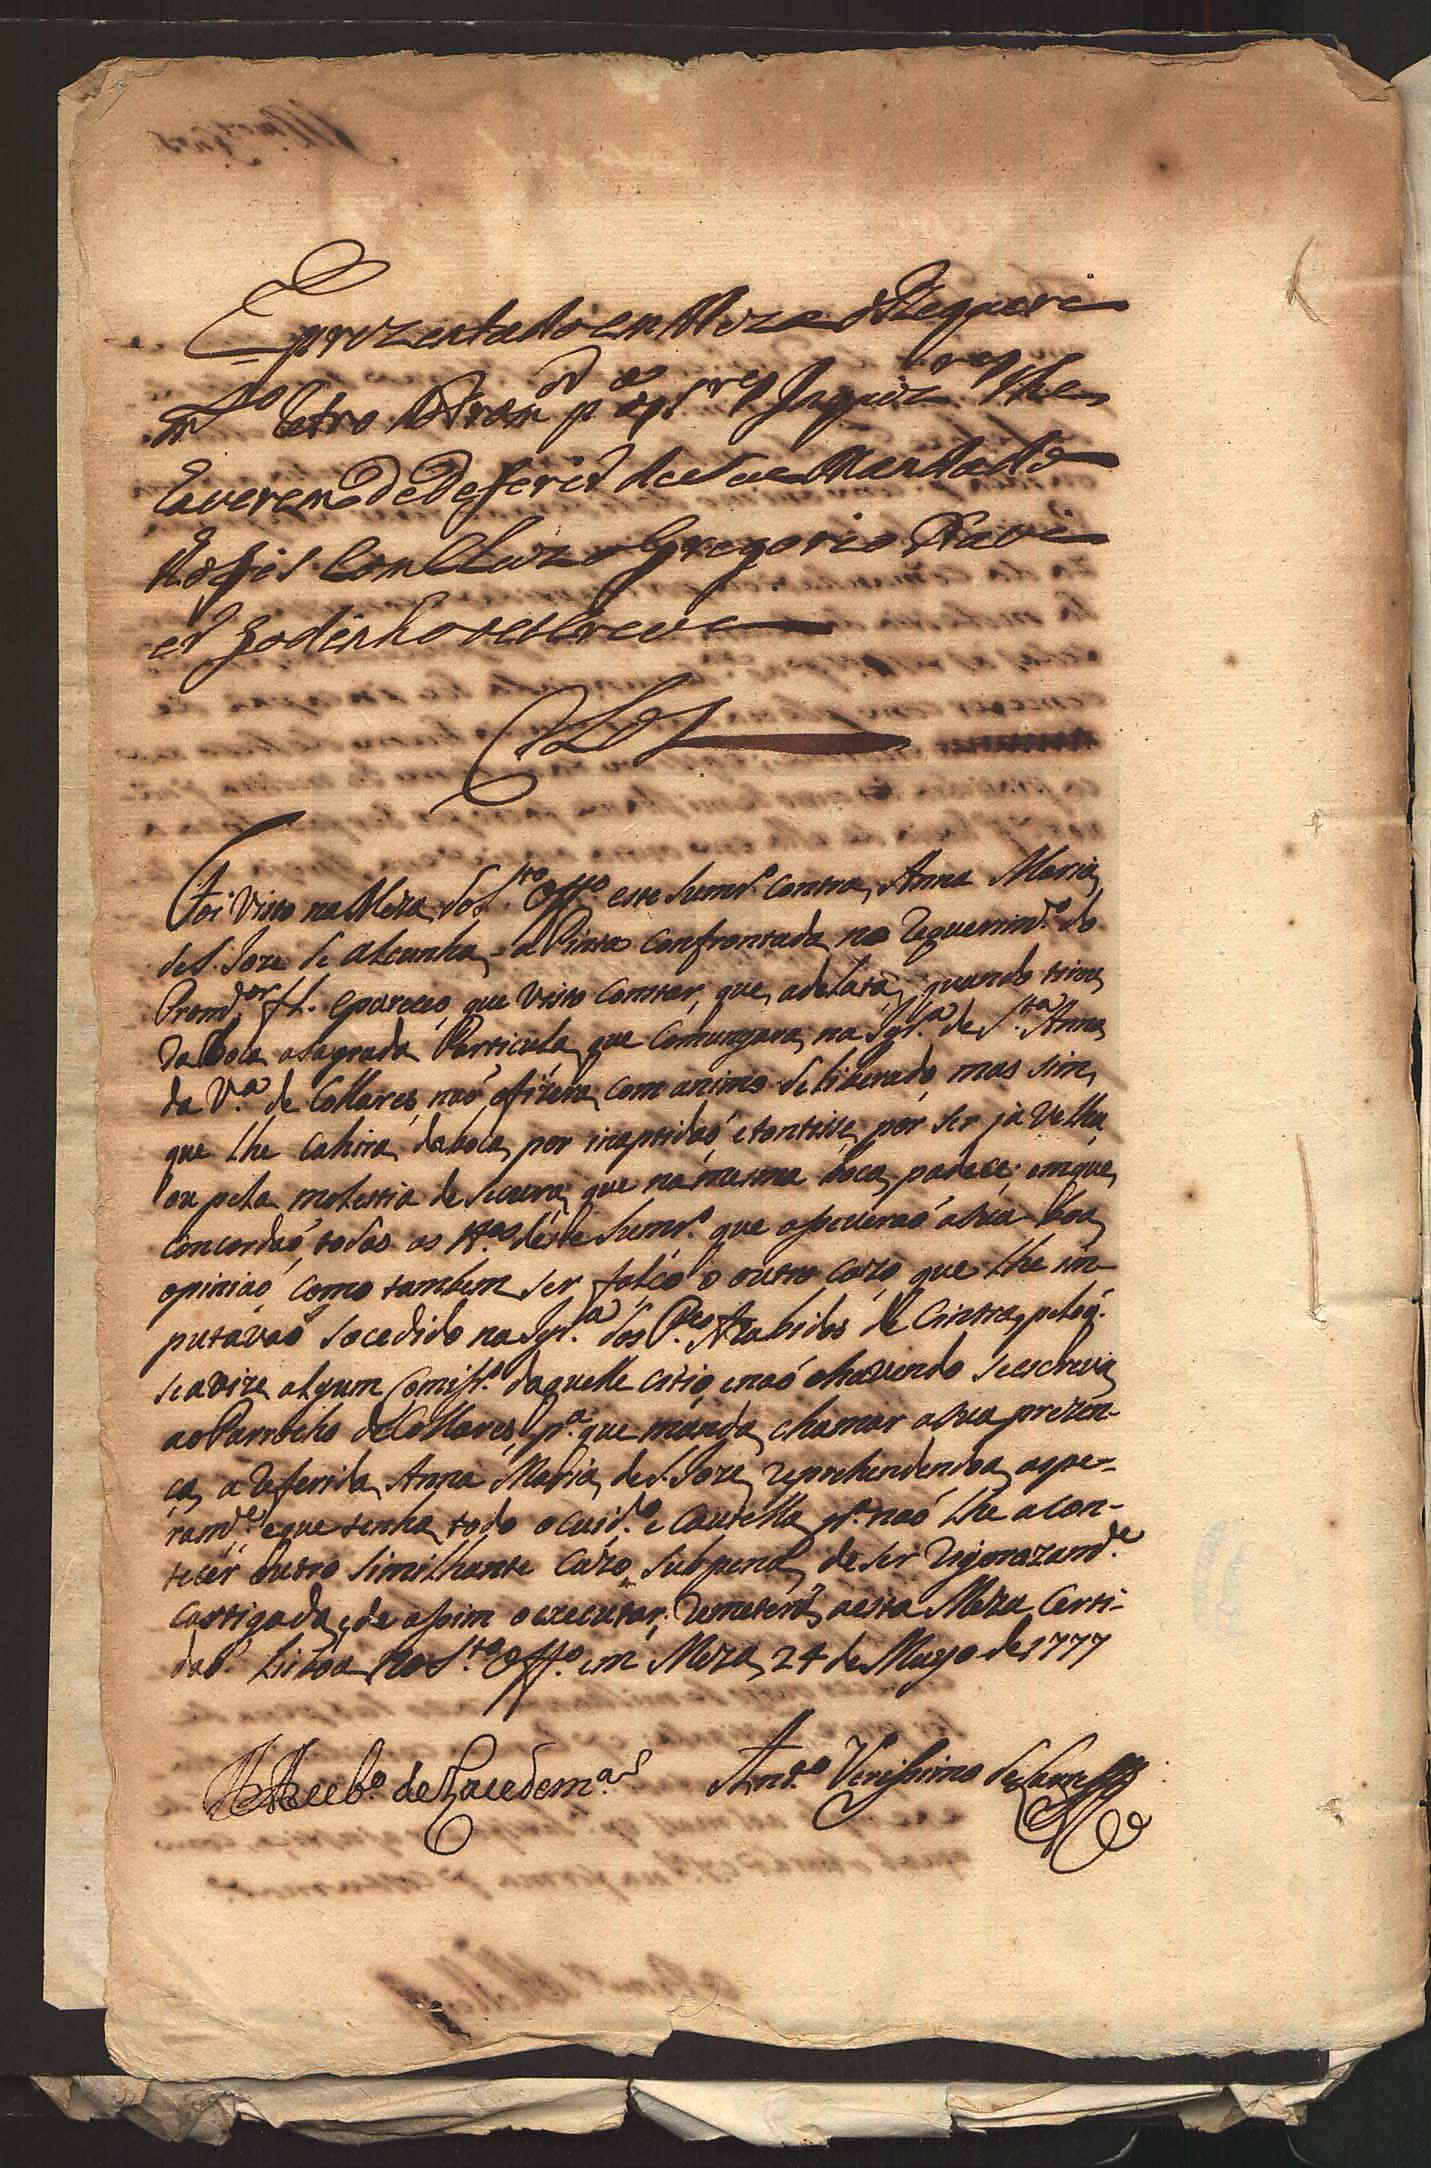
E prezentado em Meza o Requeri
m.to Retro ao Prom.or pa os s.res Jnquizres lhe
haverem de deferir de Seu Mandado
lho fis ComCluzo Gregorio Xavi
er Godinho o escreui
Foi Visto na Meza do S.to off.o este sumr.o contra, Anna Maria
de S. Ioze de alcunha a Pinta confrontada no Requerim.to do
Prom.or fl. e pareceo, que visto constar, que a delata, quando tirou
da boca a Sagrada Particula que Comungara, na Igr.a de S.ta Anna,
da V.a de Collares, naõ o fizera com animo deliberado, mas sim,
que lhe cahira da boca por inaptidaõ, e tontisse, por ser já velha,
ou pela molestia de secura que na mesma boca padece; em que
concordaõ, todas as tt.as deste Sumr.o que asseueraõ a sua boa
opiniaõ como tambem ser falço o outro cazo, que lhe im
putavaõ socedido na Igr.a dos P.es Arabidos de Cintra, pelo q̄
se avize algum Comisr.o daquelle citio, e naõ havendo se escreva
ao Parrocho de Collares, p.a que manda chamar a sua prezen
ça, a Referida Anna Maria de S. Ioze, reprehendendoa aspe
ram.te e que tenha todo o cuid.o e Cautella p.a naõ lhe acon
tecer outro similhante cazo, sub pena de ser Rigorozam.te
castigada e de assim o executar; Remetera a esta Meza certi
daõ Lisboa no S.to Off.o em Meza, 24 de Mayo de 1777
AArceb.o de Lacedema. Ant.o Verissimo de Larre
